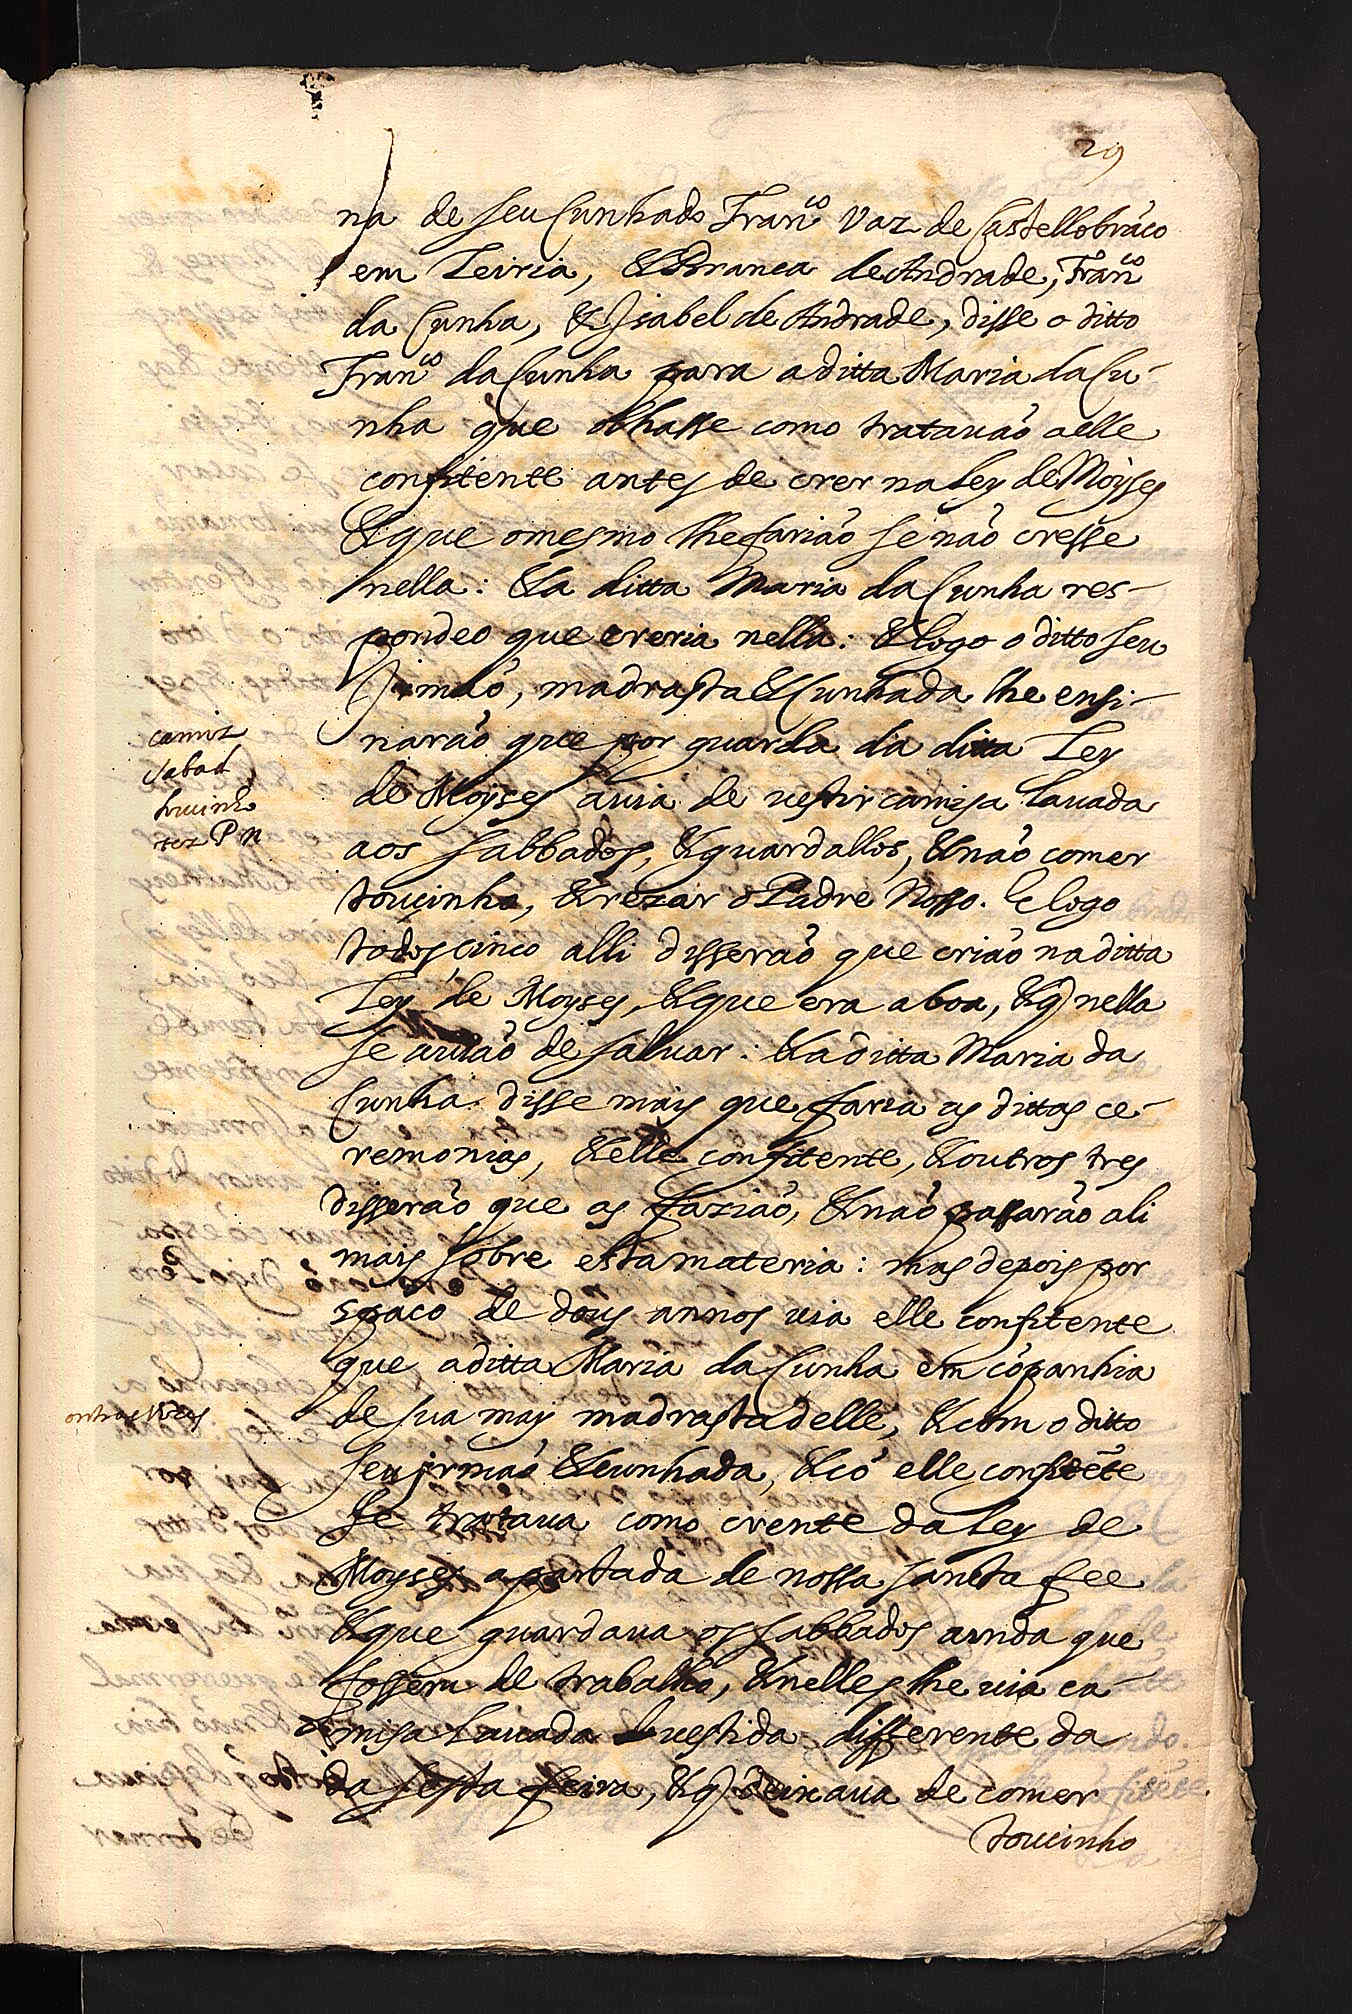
camiz
sabad
toucinho
rez P N
outras vozes
na de seu Cunhado Franco vaz de Castello brāco
em Leiria, & Branca de Andrade, Franco
da Cunha, & Jsabel de Andrade, disse o ditto
Franco da Cunha para a ditta Maria da Cu
nha que olhasse como tratauaõ a elle
confitente antes de crer na Ley de Moyses
& que o mesmo lhe fariaõ se naõ cresse
nella: & a ditta Maria da Cunha res
pondeo que creria nella: & logo o ditto seu
Jrmaõ, madrasta & Cunhada lhe ensi
naraõ que por guarda da ditta Ley
de Moyses auia de uestir camisa lauada
aos sabbados, & guardallos, & naõ comer
touçinho, & rezar o Padre Nosso. E logo
todos çinco alli disseraõ que criaõ na ditta
Ley de Moyses, & que era a boa, & que nella
se auiaõ de saluar : & a ditta Maria da
Cunha disse mais que faria as dittas ce
remonias, & elle confitente, & outros tres
disseraõ que as fariaõ, & naõ passarão ali
mais sobre esta materia : mas depois por
spaco de dous annos uia elle confitente
que a ditta Maria da Cunha em cōpanhia
de sua may madrasta delle, & com o ditto
seu jrmaõ & cunhada, & cō elle confitēte
se trataua como crente da Ley de
Moyses apartada de nossa sancta fee
& que guardaua os sabbados ainda que
fossem de trabalho, & nelles lhe uia ca
misa lauada duestida differente da
da sesta feira, & q̄ deixaua de comer
toucinho
